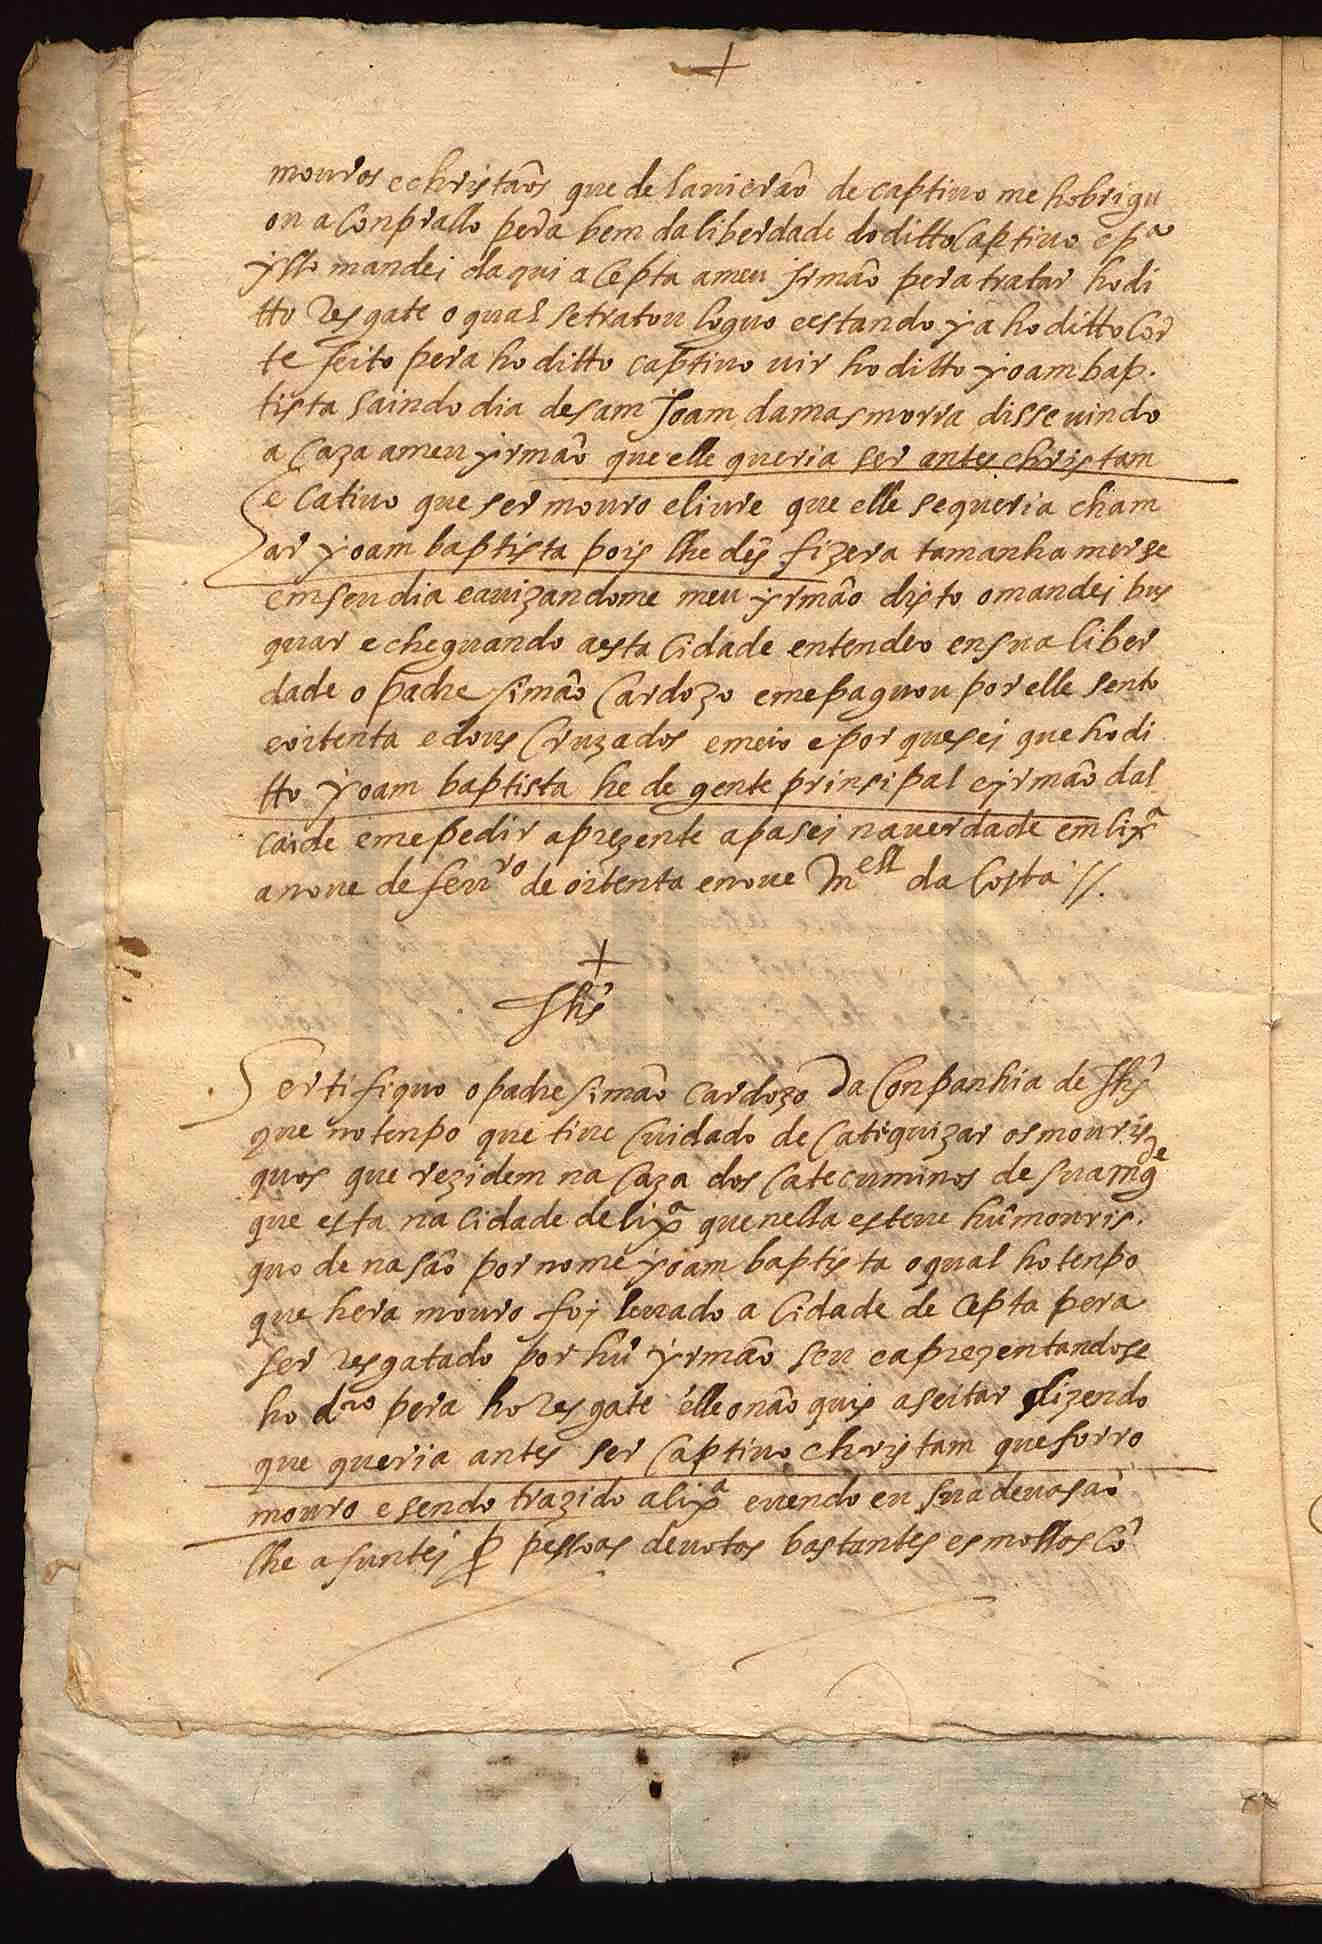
mouros e christaõs que de la uieraõ de captiuo me hobrigu
ou a Conprallo pera bem da liberdade do ditto Captiuo e pa
ysso mandei daqui a Cepta a meu jrmão pera tratar ho di
tto resgate o qual se tratou loguo e estando ya ho ditto Cor
te feito pera ho ditto captiuo uir ho ditto yoam bap
tista saindo dia de sam Joam da masmorra disse uindo
a Caza a meu yrmaõ que elle queria ser antes christam
e catiuo que ser mouro e liure que elle se queria cham
ar yoam baptista pois lhe des̄ fizera tamanha merse
em seu dia e auizandome meu yrmão disto o mandei bus
quar e cheguando a esta Cidade entendeo en sua liber
dade o padre simão Cardozo e me paguou por elle sento
e oitenta e dous Cruzados e meio e porque sei que ho di
tto Yoam baptista he de gente prinsipal e yrmão dal
caide e me pedir a prezente e pasei na uerdade em lixa
a noue de feuro de oitenta e noue Mell da Costa. //
Jhs̄
Sertifiquo o padre simão cardozo da Conpanhia de Jhs̄
que no tenpo que tiue Cuidado de Catequizar os mouris
quos que rezidem na Caza dos Catecumenos de sua mgde
que esta na cidade de lixa que nella esteue hū mouris
quo de nasão por nome yoam baptista o qual ho tenpo
que hera mouro foy leuado a Cidade de Cepta pera
ser resgatado por hū yrmão seu e aprezentandose
ho dro pera ho resgate elle o não quis aseitar dizendo
que queria antes ser Captiuo christam que forro
mouro e sendo trazido a lixa e uendo eu sua deuasaõ
lhe ajuntei ꝓ pessoas deuotas bastantes esmollas cō
